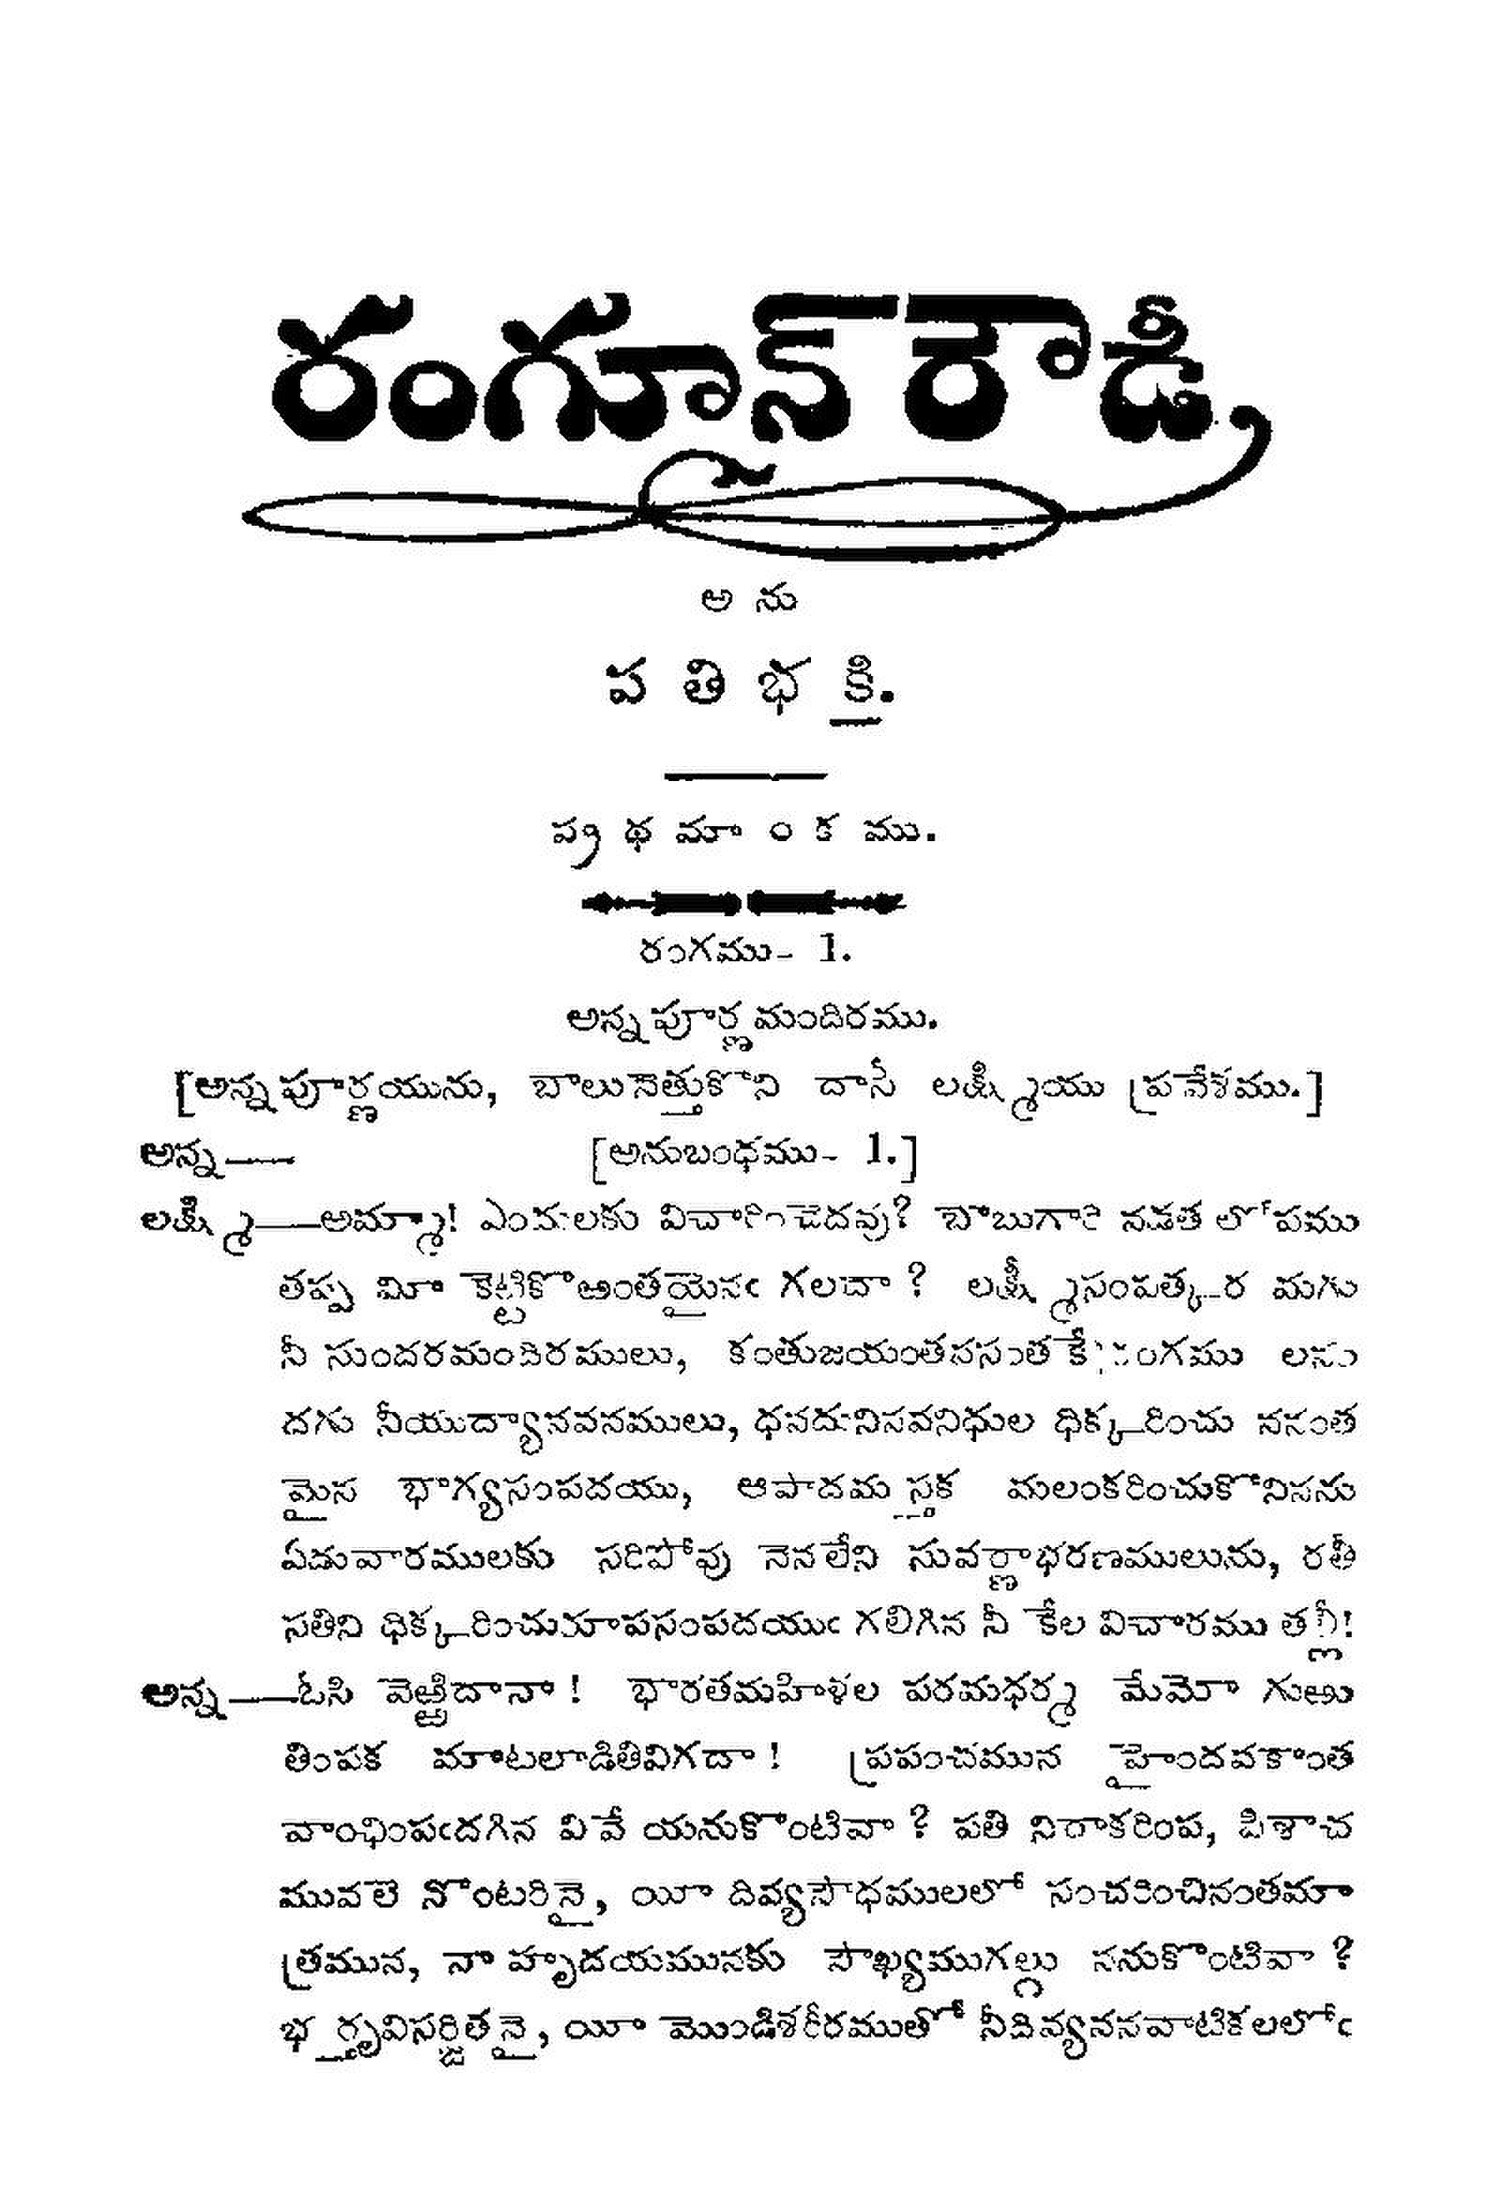రంగూన్ రౌడీ

పతిభక్తి.

అన్న--

లక్ష్మి - అమ్మా! ఎందులకు విచారించెదవు? బాబుగారి నడత లోపము తప్ప మీ కెట్టికొఱంతయైనఁ గలదా ? లక్ష్మీ సంపత్కర మగు నీ సుందరమందిరములు, కంతుజయంతవాసంతకే రంగము లనందగు నీయుద్యానవనములు, ధనదునిసవనిధుల ధిక్కరించు ననంతమైన భాగ్యసంపదయు, ఆపాదమస్తక మలంకరించుకొనినను ఏడువారములకు సరిపోవు నెనలేని సువర్ణాభరణములును, రతీసతిని ధిక్కరించురూపసంపదయుఁ గలిగిన నీ కేల విచారము తల్లీ!

అన్న — ఓసి వెఱ్ఱిదానా ! భారతమహిళల పరమధర్మ మేమో గుఱుతింపక మాటలాడితివిగదా! ప్రపంచమున హైందవకాంత వాంఛింపఁదగిన వివే యనుకొంటివా? పతి నిరాకరింప, పిశాచమువలె నొంటరినై, యీ దివ్య సౌధములలో సంచరించినంతమాత్రమున, నా హృదయమునకు సౌఖ్యముగల్గు నను కొంటివా ? భర్తృవిసర్జితనై, యీ మొండిశరీరముతో నీదివ్యవనవాటికలలోఁ